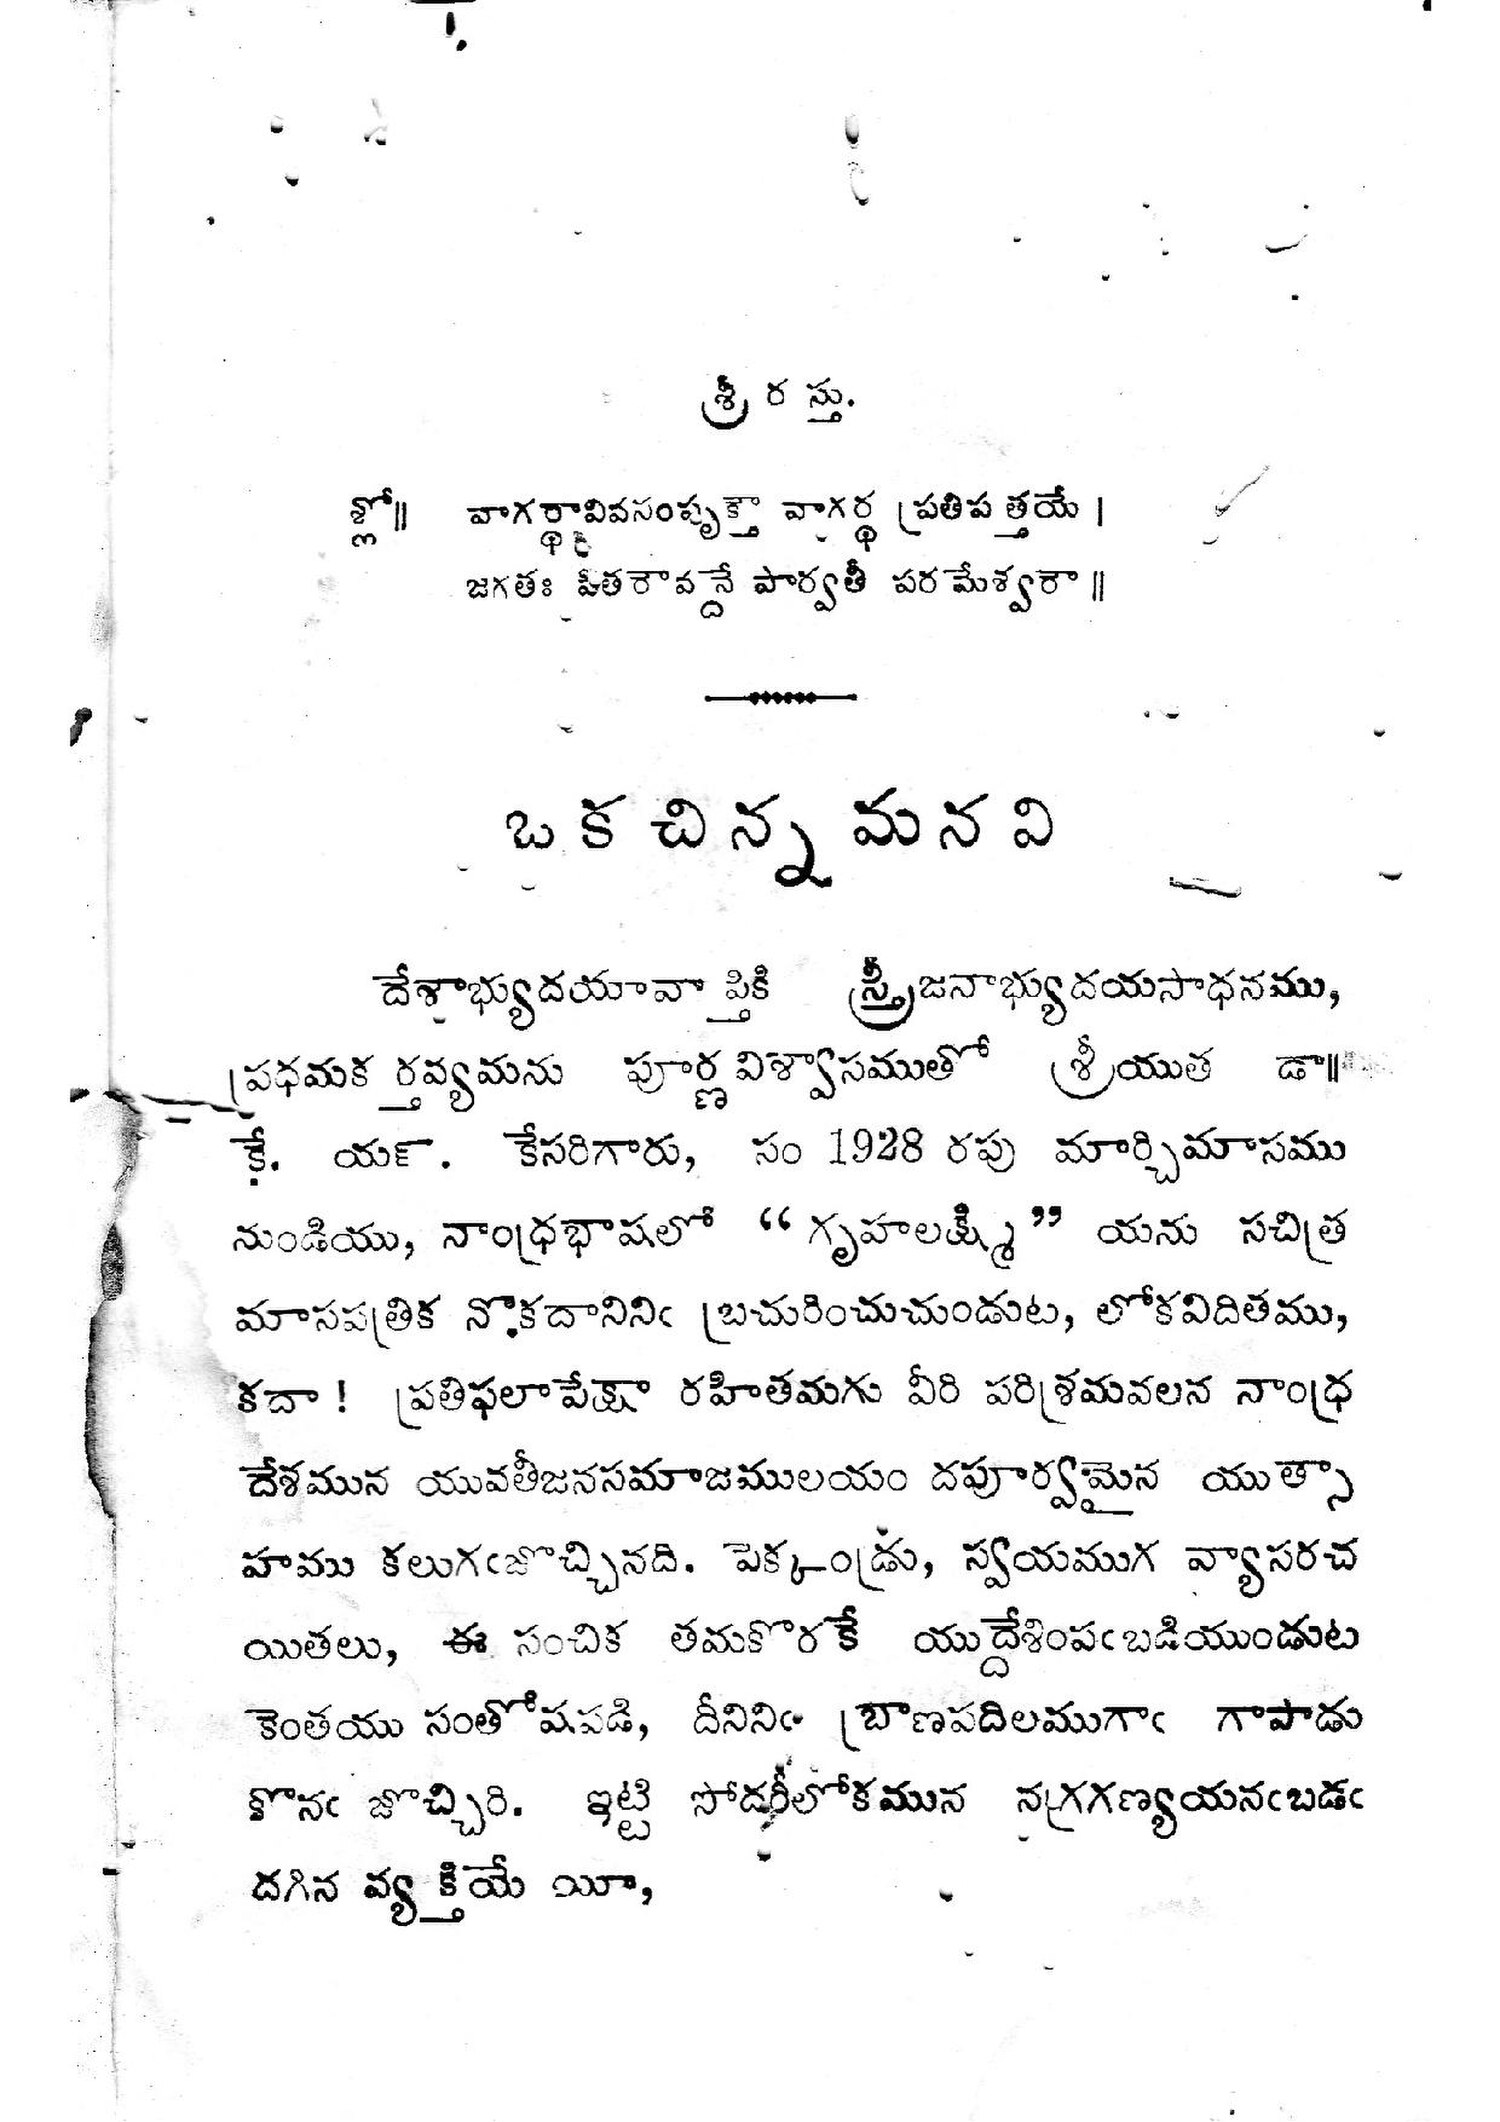దేశాభ్యుదయావాప్తికి స్త్రీజనాభ్యూదయసాధనము, ప్రధమకర్తవ్యమను పూర్ణవిశ్వాసముతో శ్రీయుత డా॥ కే. యౝ. కేసరిగారు, సం 1928 రపు మార్చిమాసము నుండియు, నాంధ్రభాషలో "గృహలక్ష్మి" యను సచిత్ర మాసపత్రిక నొకదానినిఁ బ్రచురించుచుండుట, లోకవిదితము, కదా! ప్రతిఫలాపేక్షా రహితమగు వీరి పరిశ్రమవలన నాంధ్రదేశమున యువతీజనసమాజములయం దపూర్వమైన యుత్సాహము కలుగఁజొచ్చినది. పెక్కండ్రు, స్వయముగ వ్యాసరచయితలు, ఈ సంచిక తమకొరకే యుద్దేశింపఁబడియుండుట కెంతయు సంతోషపడి, దీనినిఁ బ్రాణపదిలముగాఁ గాపాడుకొనఁ జొచ్చిరి. ఇట్టి సోదరీలోకమున సగ్రగణ్యయనఁబడఁ దగిన వ్యక్తియే యీ,